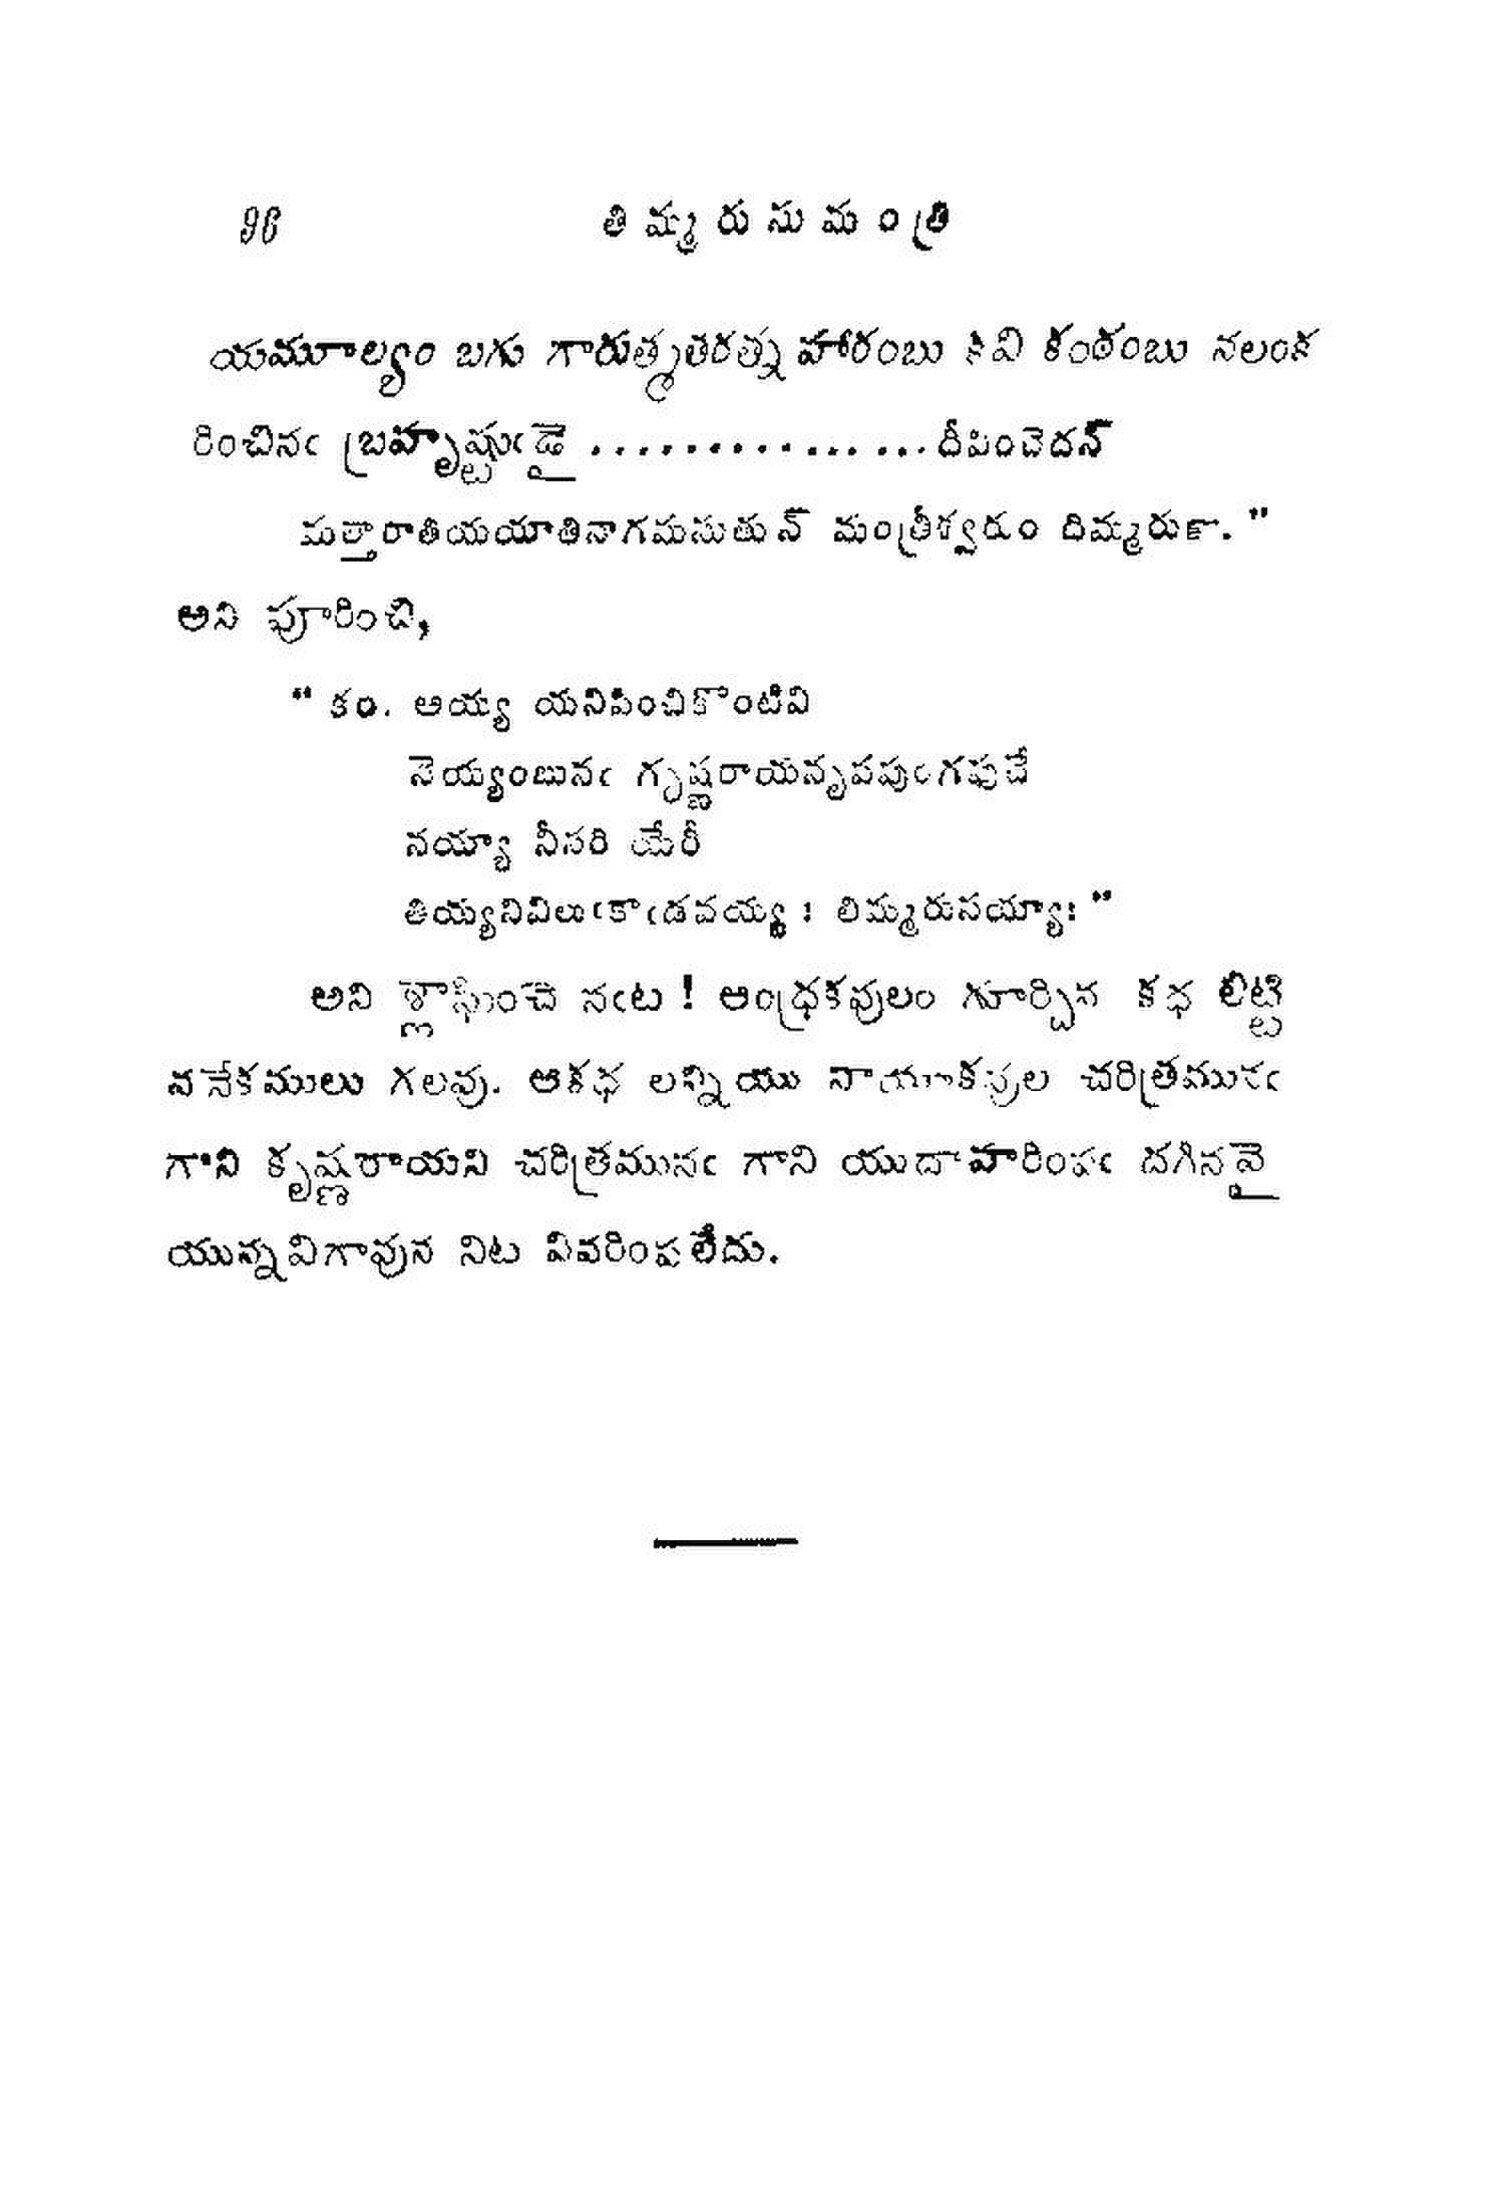యమూల్యం బగు గారుత్మతరత్నహారంబు కవి కంఠంబు నలంకరించినఁ బ్రహృష్టుఁడై ................ దీవించెదన్

మత్తారాతియయాతినాగమసుతున్ మంత్రీశ్వరుం దిమ్మరు౯"." అని పూరించి, 

"కం. అయ్య యనిపించికొంటివి
 నెయ్యంబునఁ గృష్ణరాయనృపపుఁగపుచే 
 నయ్యా నీసరి యేరీ
 తియ్యనివిలుఁకాఁడవయ్య : తిమ్మరుసయ్యా: "
అని శ్లాఘించి నఁట! ఆంధ్రకవులం గూర్చిన కధ లిట్టి వనేకములు గలవు. ఆకథ లన్నియు నాయాకవుల చరిత్రమునఁ గాని కృష్ణరాయని చరిత్రమునఁ గాని యుదాహరింపఁ దగినవై యున్నవిగావున నిట వివరింపలేదు.

__________